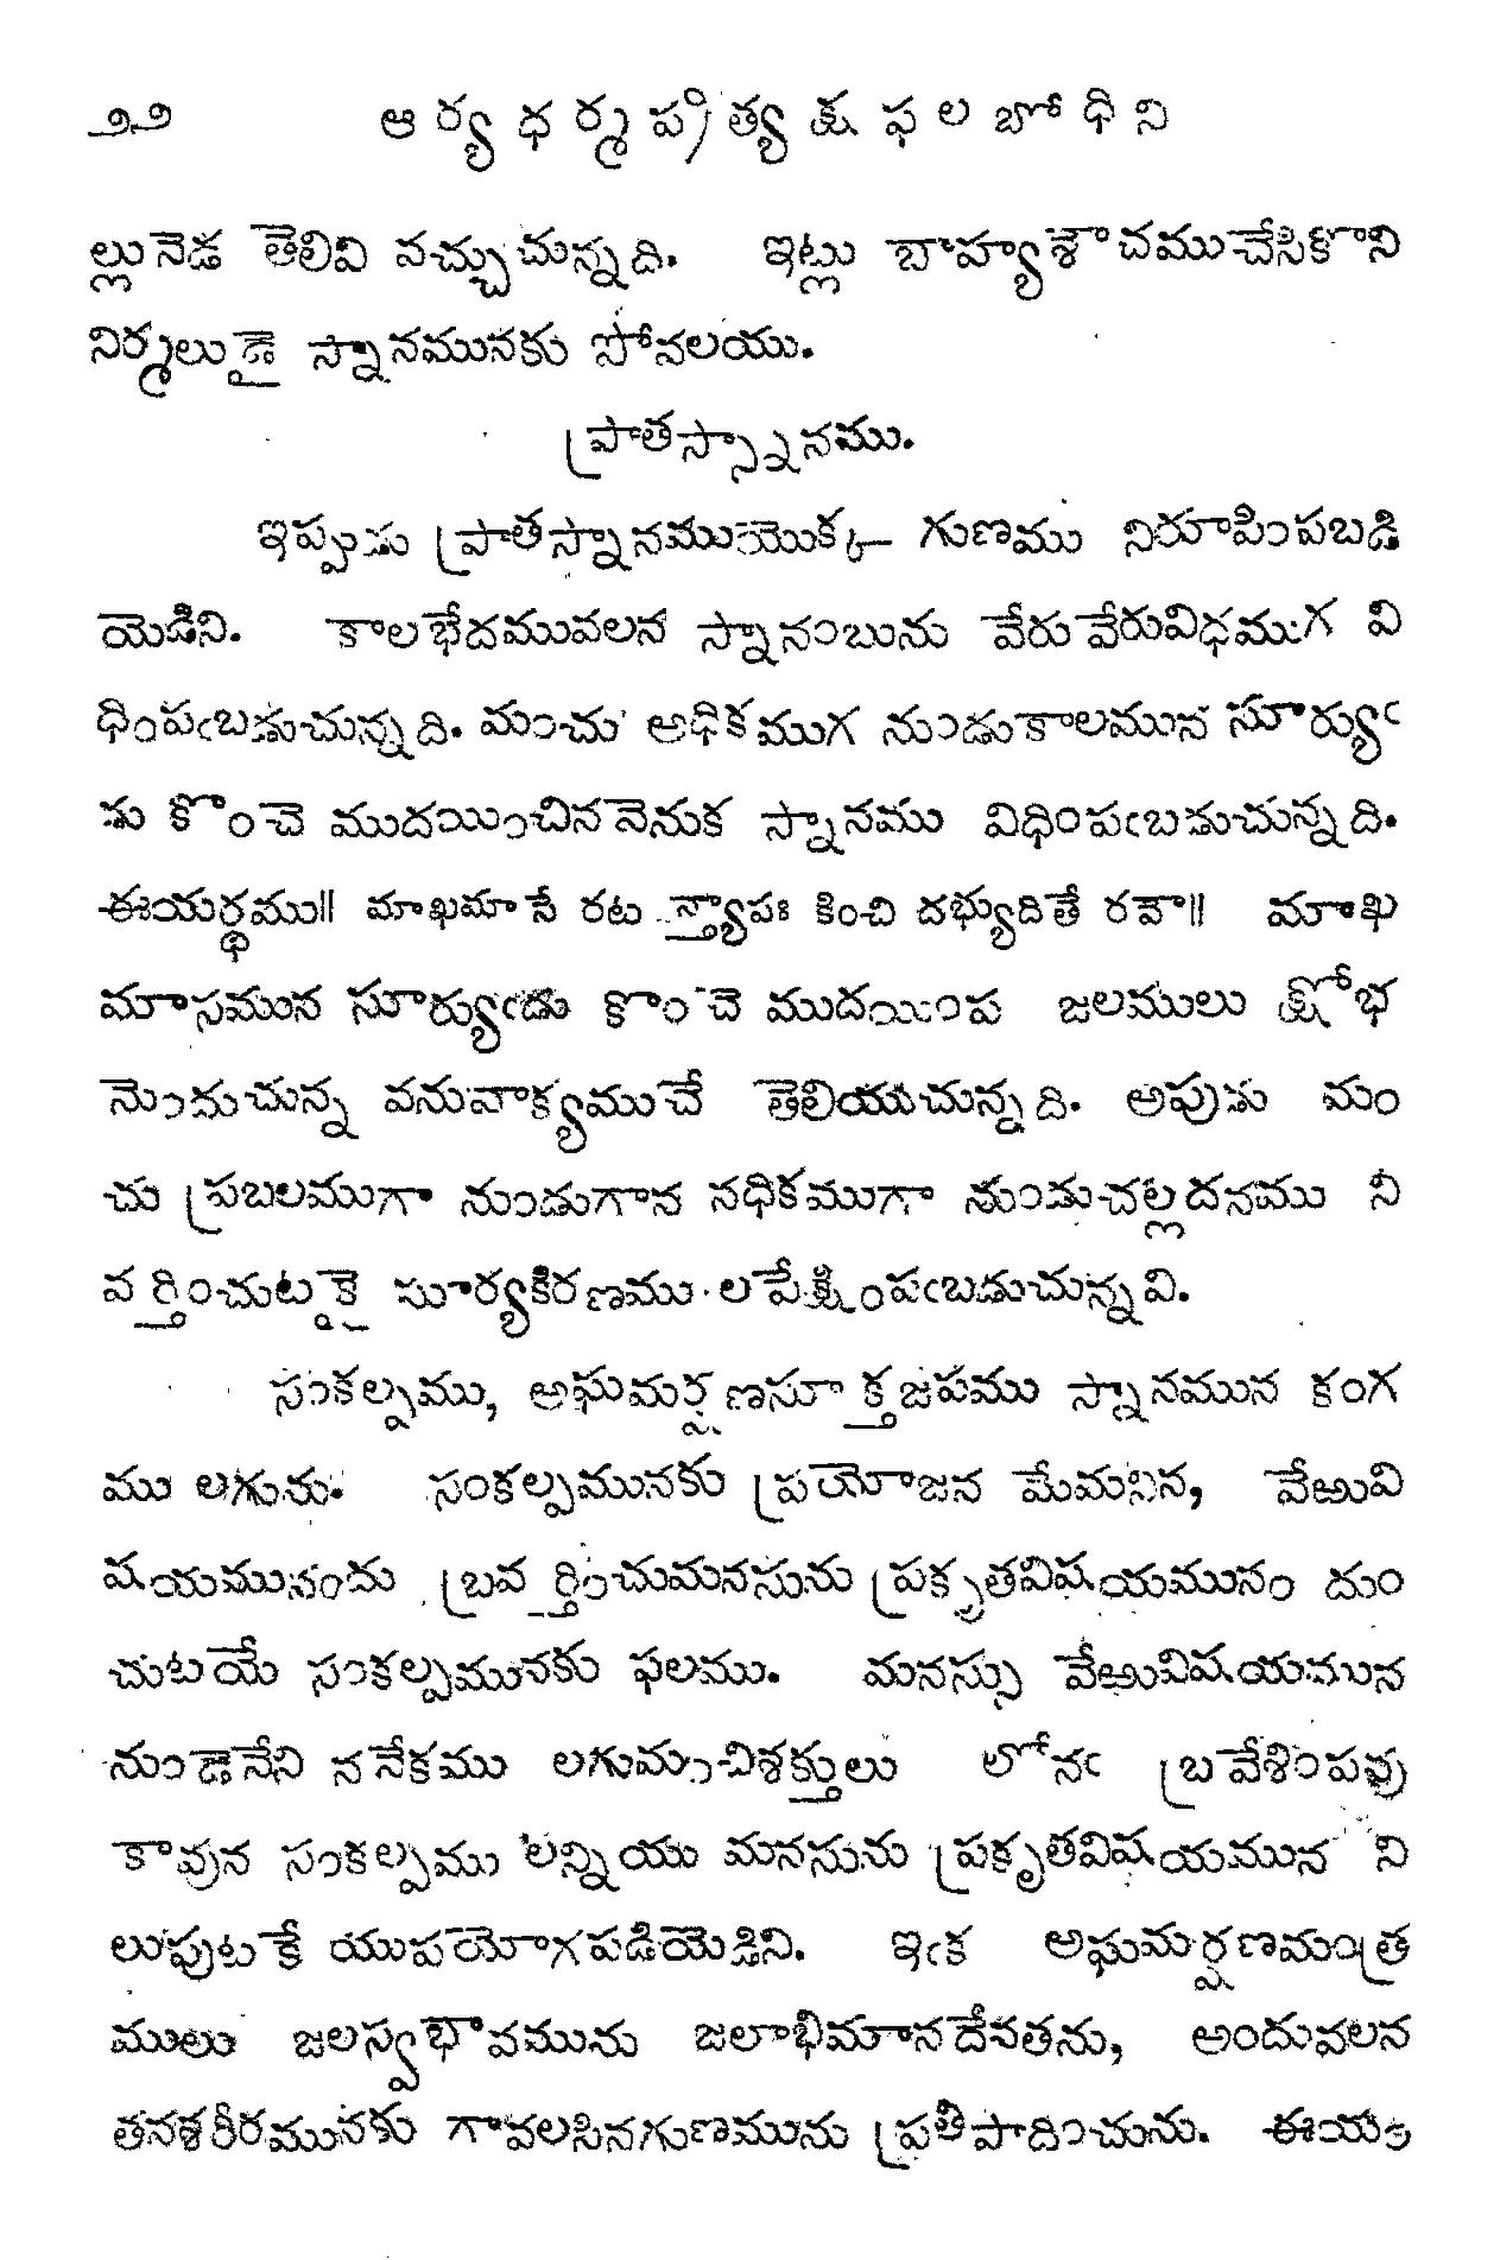ల్లునెడ తెలివి వచ్చుచున్నది. ఇట్లు బాహ్యశౌచము చేసికొని నిర్మలుడై స్నానమునకు పోవలయు.

ఇప్పుడు ప్రాతస్నానముయొక్క గుణము నిరూపింపబడియెడిని. కాలభేదమువలన స్నానంబును వేరువేరువిధముగ విధింపఁబడుచున్నది. మంచు అధికముగ నుండుకాలమున సూర్యుఁడు కొంచె ముదయించినవెనుక స్నానము విధింపఁబడుచున్నది. ఈయర్థము॥ మాఖమాసే రట న్త్యాపః కించి దభ్యుదితే రవౌ॥ మాఖమాసమున సూర్యుఁడు కొంచె ముదయింప జలములు క్షోభనొందుచున్న వనువాక్యముచే తెలియుచున్నది. అపుడు మంచు ప్రబలముగా నుండుగాన నధికముగా నుండు చల్లదనము నివర్తించుటకై సూర్యకిరణము లపేక్షింపఁబడుచున్నవి.

సంకల్పము, అఘమర్షణసూక్తజపము స్నానమున కంగము లగును. సంకల్పమునకు ప్రయోజన మేమనిన, వేఱువిషయమునందు బ్రవర్తించుమనసును ప్రకృతవిషయమునం దుంచుటయే సంకల్పమునకు ఫలము. మనస్సు వేఱువిషయమున నుండెనేని ననేకము లగుమంచిశక్తులు లోనఁ బ్రవేశింపవు కావున సంకల్పము లన్నియు మనసును ప్రకృతవిషయమున నిలుపుటకే యుపయోగపడియెడిని. ఇఁక అఘమర్షణమంత్రములు జలస్వభావమును జలాభిమానదేవతను, అందువలన తనశరీరమునకు గావలసినగుణమును ప్రతిపాదించును. ఈయం